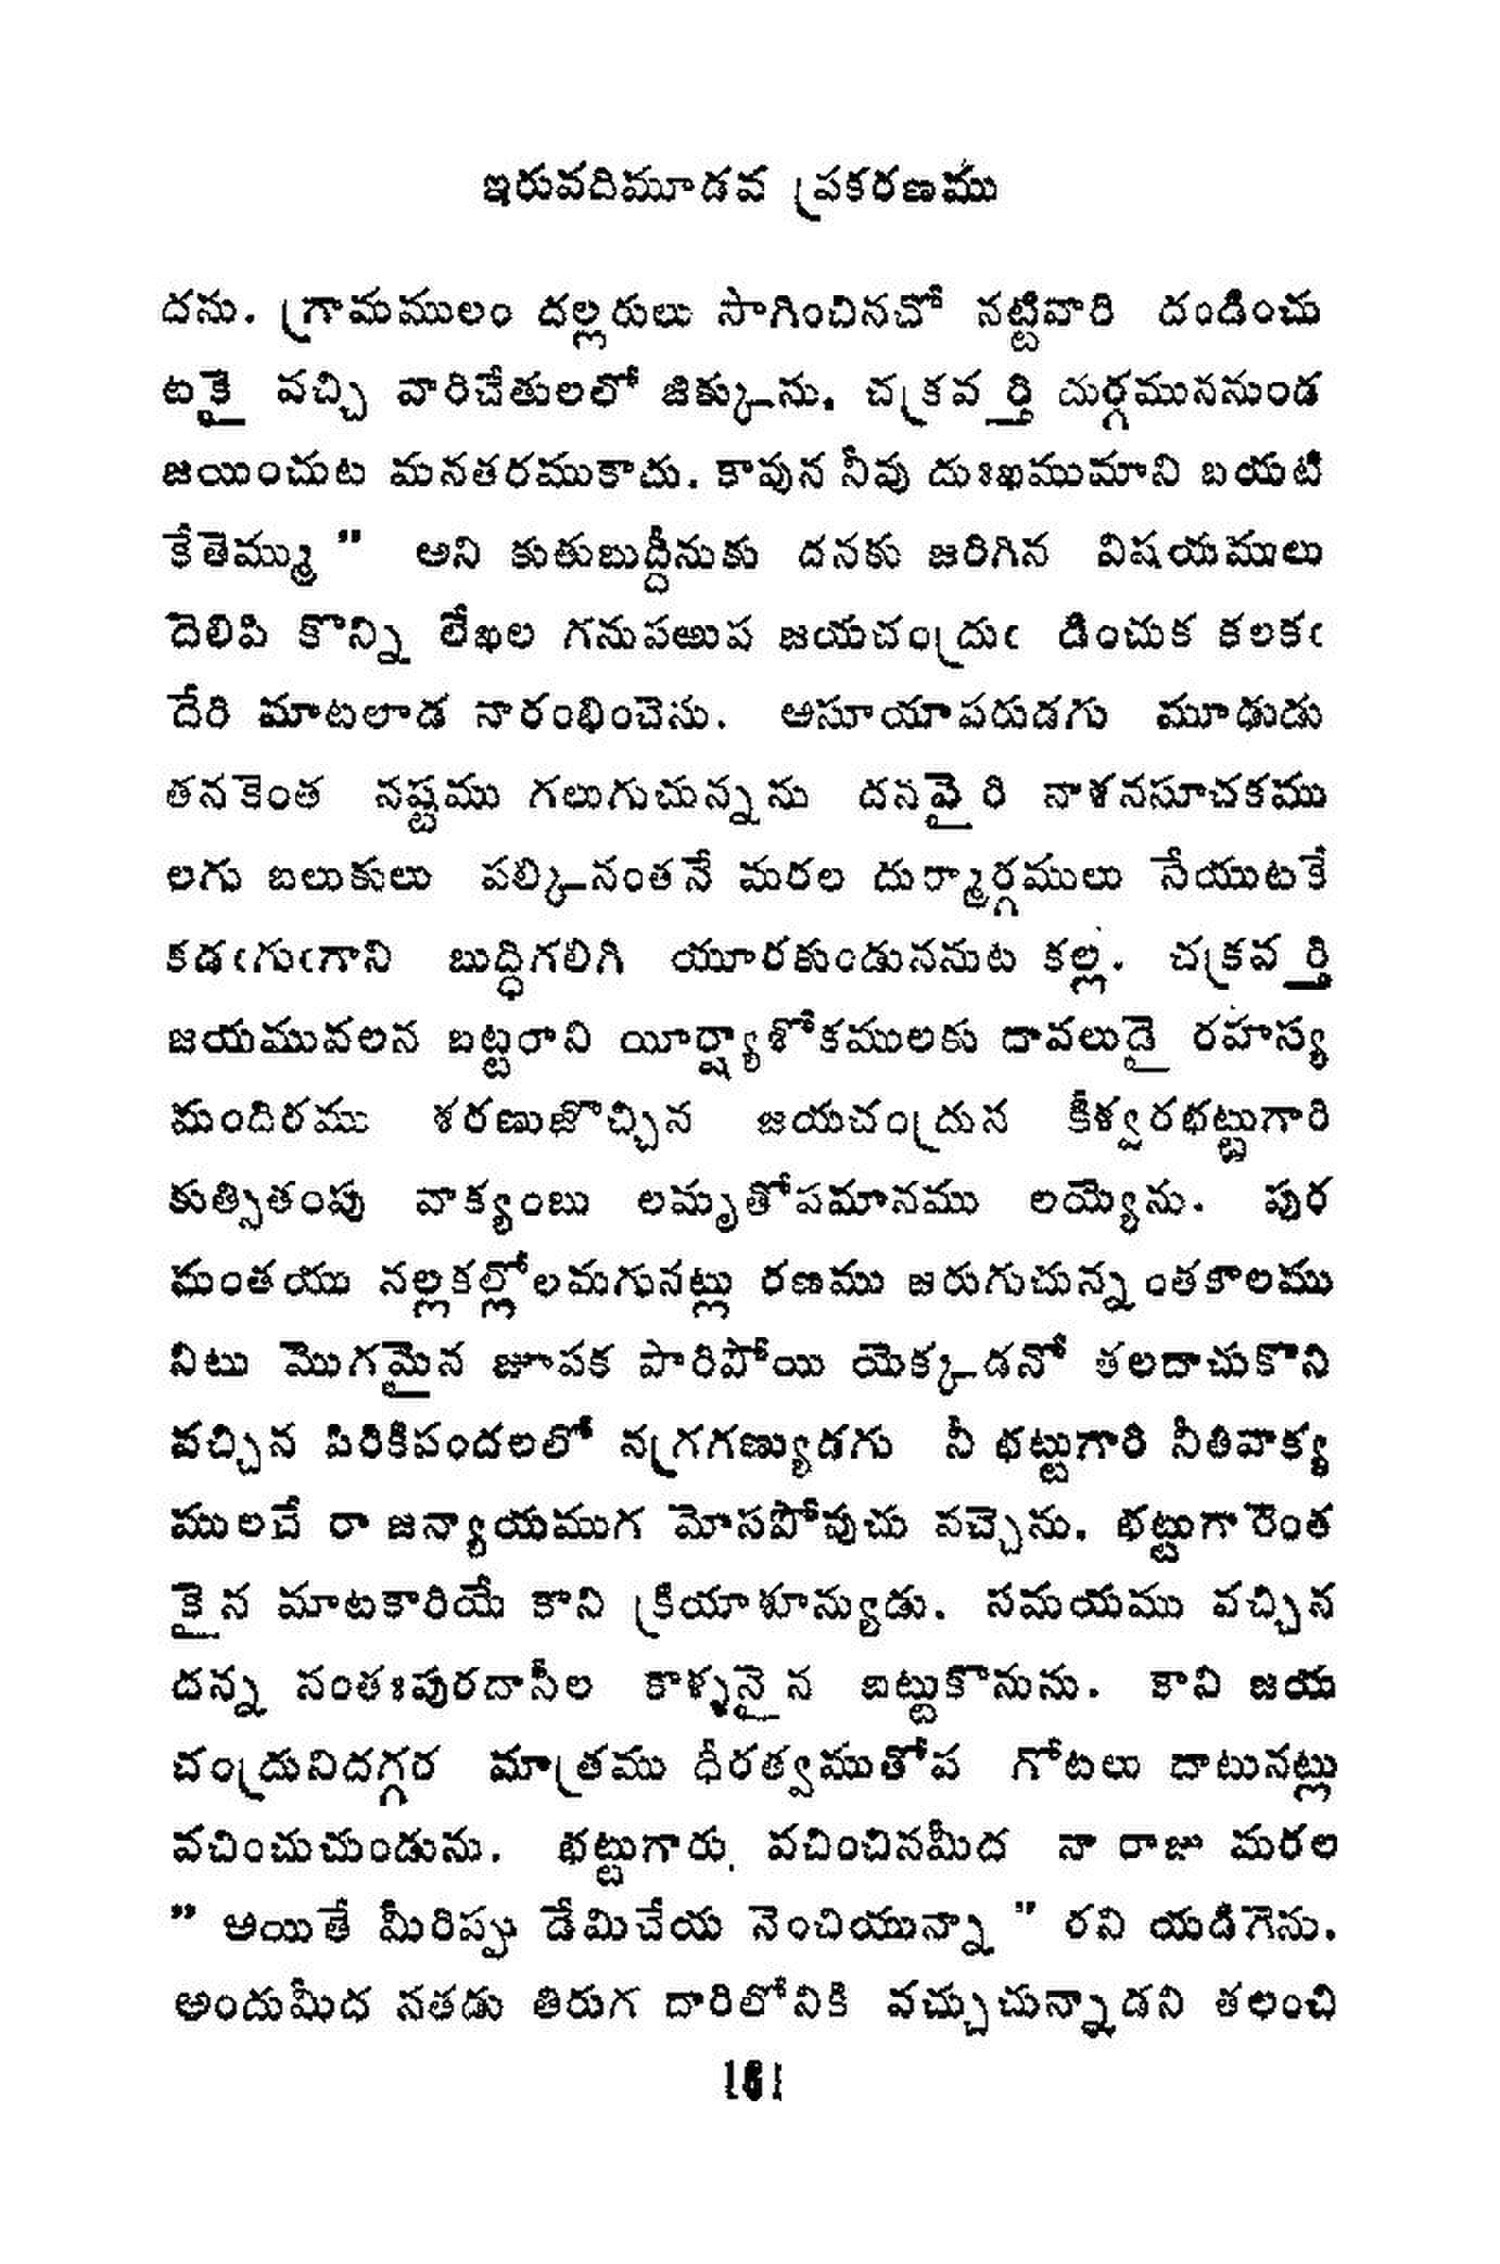దను. గ్రామములం దల్లరులు సాగించినచో నట్టివారి దండించుటకై వచ్చి వారిచేతులలో జిక్కును, చక్రవర్తి దుర్గముననుండ జయించుట మనతరముకాదు. కావున నీవు దుఃఖముమాని బయటి కేతెమ్ము " అని కుతుబుద్దీనుకు దనకు జరిగిన విషయములు దెలిపి కొన్ని లేఖల గనుపఱుప జయచంద్రుఁ డించుక కలకఁదేరి మాటలాడ నారంభించెను. అసూయాపరుడగు మూఢుడు తనకెంత నష్టము గలుగుచున్నను దనవైరి నాశనసూచకములగు బలుకులు పల్కినంతనే మరల దుర్మార్గములు సేయుటకే కడఁగుఁగాని బుద్ధిగలిగి యూరకుండుననుట కల్ల. చక్రవర్తి జయమువలన బట్టరాని యీర్ష్యాశోకములకు దావలుడై రహస్య మందిరము శరణుజొచ్చిన జయచంద్రున కీశ్వరభట్టుగారి కుత్సితంపు వాక్యంబు లమృతోపమానము లయ్యెను. పురమంతయు నల్లకల్లోలమగునట్లు రణము జరుగుచున్నంతకాలము నిటు మొగమైన జూపక పారిపోయి యెక్కడనో తలదాచుకొని వచ్చిన పిరికిపందలలో నగ్రగణ్యుడగు నీ భట్టుగారి నీతివాక్యములచే రాజన్యాయముగ మోసపోవుచు వచ్చెను. భట్టుగా రెంతకైన మాటకారియే కాని క్రియాశూన్యుడు. సమయము వచ్చిన దన్న నంతఃపురదాసీల కాళ్ళనైన బట్టుకొనును. కాని జయచంద్రునిదగ్గర మాత్రము ధీరత్వముతోప గోటలు దాటునట్లు వచించుచుండును. భట్టుగారు వచించినమీద నా రాజు మరల "అయితే మీరిప్పుడేమిచేయ నెంచియున్నా" రని యడిగెను. అందుమీద నతడు తీరుగ దారిలోనికి వచ్చుచున్నాడని తలంచి